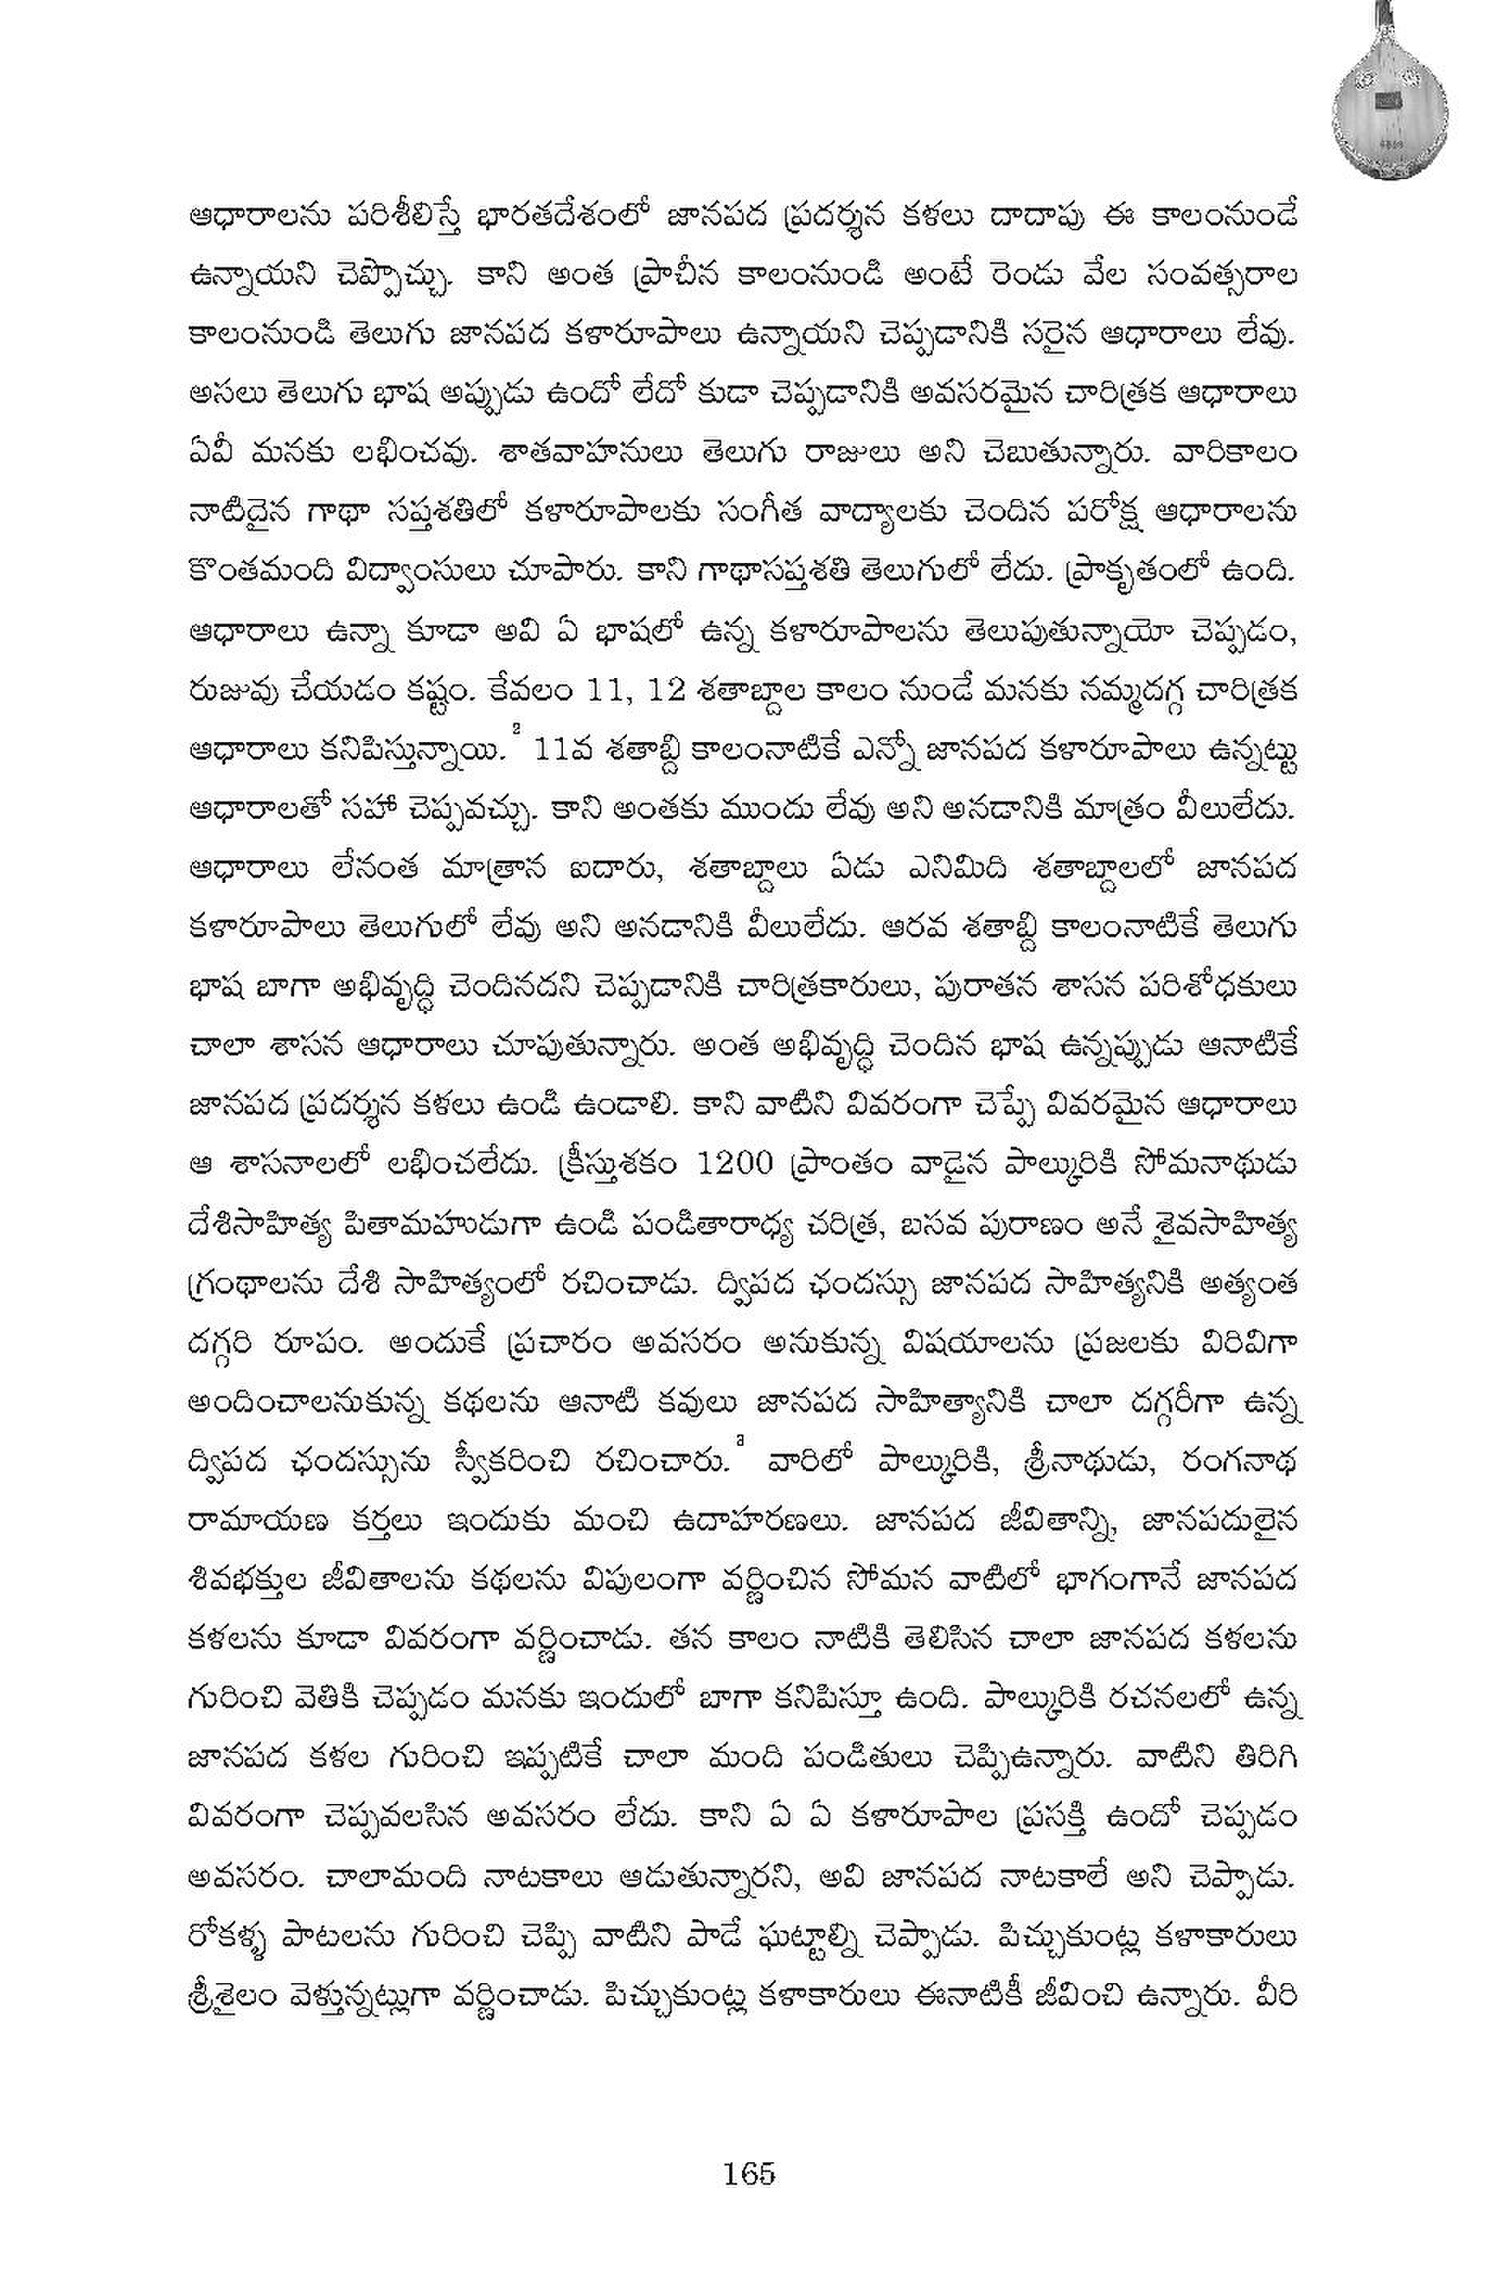ఆధారాలను పరిశీలిస్తే భారతదేశంలో జానపద ప్రదర్శన కళలు దాదాపు ఈ కాలంనుండే ఉన్నాయని చెప్పొచ్చు. కాని అంత ప్రాచీన కాలంనుండి అంటే రెండు వేల సంవత్సరాల కాలంనుండి తెలుగు జానపద కళారూపాలు ఉన్నాయని చెప్పడానికి సరైన ఆధారాలు లేవు. అసలు తెలుగు భాష అప్పుడు ఉందో లేదో కుడా చెప్పడానికి అవసరమైన చారిత్రక ఆధారాలు ఏవీ మనకు లభించవు. శాతవాహనులు తెలుగు రాజులు అని చెబుతున్నారు. వారికాలం నాటిదైన గాథా సప్తశతిలో కళారూపాలకు సంగీత వాద్యాలకు చెందిన పరోక్ష ఆధారాలను కొంతమంది విద్వాంసులు చూపారు. కాని గాథాసప్తశతి తెలుగులో లేదు. ప్రాకృతంలో ఉంది. ఆధారాలు ఉన్నా కూడా అవి ఏ భాషలో ఉన్న కళారూపాలను తెలుపుతున్నాయో చెప్పడం,రుజువు చేయడం కష్టం. కేవలం 11, 12 శతాబ్దాల కాలం నుండే మనకు నమ్మదగ్గ చారిత్రక
ఆధారాలు కనిపిస్తున్నాయి.2 11వ శతాబ్ది కాలంనాటికే ఎన్నో జానపద కళారూపాలు ఉన్నట్టు ఆధారాలతో సహా చెప్పవచ్చు. కాని అంతకు ముందు లేవు అని అనడానికి మాత్రం వీలులేదు. ఆధారాలు లేనంత మాత్రాన ఐదారు, శతాబ్దాలు ఏడు ఎనిమిది శతాబ్దాలలో జానపద కళారూపాలు తెలుగులో లేవు అని అనడానికి వీలులేదు. ఆరవ శతాబ్ది కాలంనాటికే తెలుగు భాష బాగా అభివృద్ధి చెందినదని చెప్పడానికి చారిత్రకారులు, పురాతన శాసన పరిశోధకులు
చాలా శాసన ఆధారాలు చూపుతున్నారు. అంత అభివృద్ధి చెందిన భాష ఉన్నప్పుడు ఆనాటికే జానపద ప్రదర్శన కళలు ఉండి ఉండాలి. కాని వాటిని వివరంగా చెప్పే వివరమైన ఆధారాలు ఆ శాసనాలలో లభించలేదు. క్రీస్తుశకం 1200 ప్రాంతం వాడైన పాల్కురికి సోమనాథుడు దేశిసాహిత్య పితామహుడుగా ఉండి పండితారాధ్య చరిత్ర, బసవ పురాణం అనే శైవసాహిత్య
గ్రంథాలను దేశి సాహిత్యంలో రచించాడు. ద్విపద ఛందస్సు జానపద సాహిత్యనికి అత్యంత దగ్గరి రూపం. అందుకే ప్రచారం అవసరం అనుకున్న విషయాలను ప్రజలకు విరివిగా అందించాలనుకున్న కథలను ఆనాటి కవులు జానపద సాహిత్యానికి చాలా దగ్గరీగా ఉన్న ద్విపద ఛందస్సును స్వీకరించి రచించారు.3 వారిలో పాల్కురికి, శ్రీనాథుడు, రంగనాథ రామాయణ కర్తలు ఇందుకు మంచి ఉదాహరణలు. జానపద జీవితాన్ని, జానపదులైన శివభక్తుల జీవితాలను కథలను విపులంగా వర్ణించిన సోమన వాటిలో భాగంగానే జానపద కళలను కూడా వివరంగా వర్ణించాడు. తన కాలం నాటికి తెలిసిన చాలా జానపద కళలను గురించి వెతికి చెప్పడం మనకు ఇందులో బాగా కనిపిస్తూ ఉంది. పాల్కురికి రచనలలో ఉన్న జానపద కళల గురించి ఇప్పటికే చాలా మంది పండితులు చెప్పిఉన్నారు. వాటిని తిరిగి వివరంగా చెప్పవలసిన అవసరం లేదు. కాని ఏ ఏ కళారూపాల ప్రసక్తి ఉందో చెప్పడం అవసరం. చాలామంది నాటకాలు ఆడుతున్నారని, అవి జానపద నాటకాలే అని చెప్పాడు. రోకళ్ళ పాటలను గురించి చెప్పి వాటిని పాడే ఘట్టాల్ని చెప్పాడు. పిచ్చుకుంట్ల కళాకారులు శ్రీశైలం వెళ్తున్నట్లుగా వర్ణించాడు. పిచ్చుకుంట్ల కళాకారులు ఈనాటికీ జీవించి ఉన్నారు. వీరి